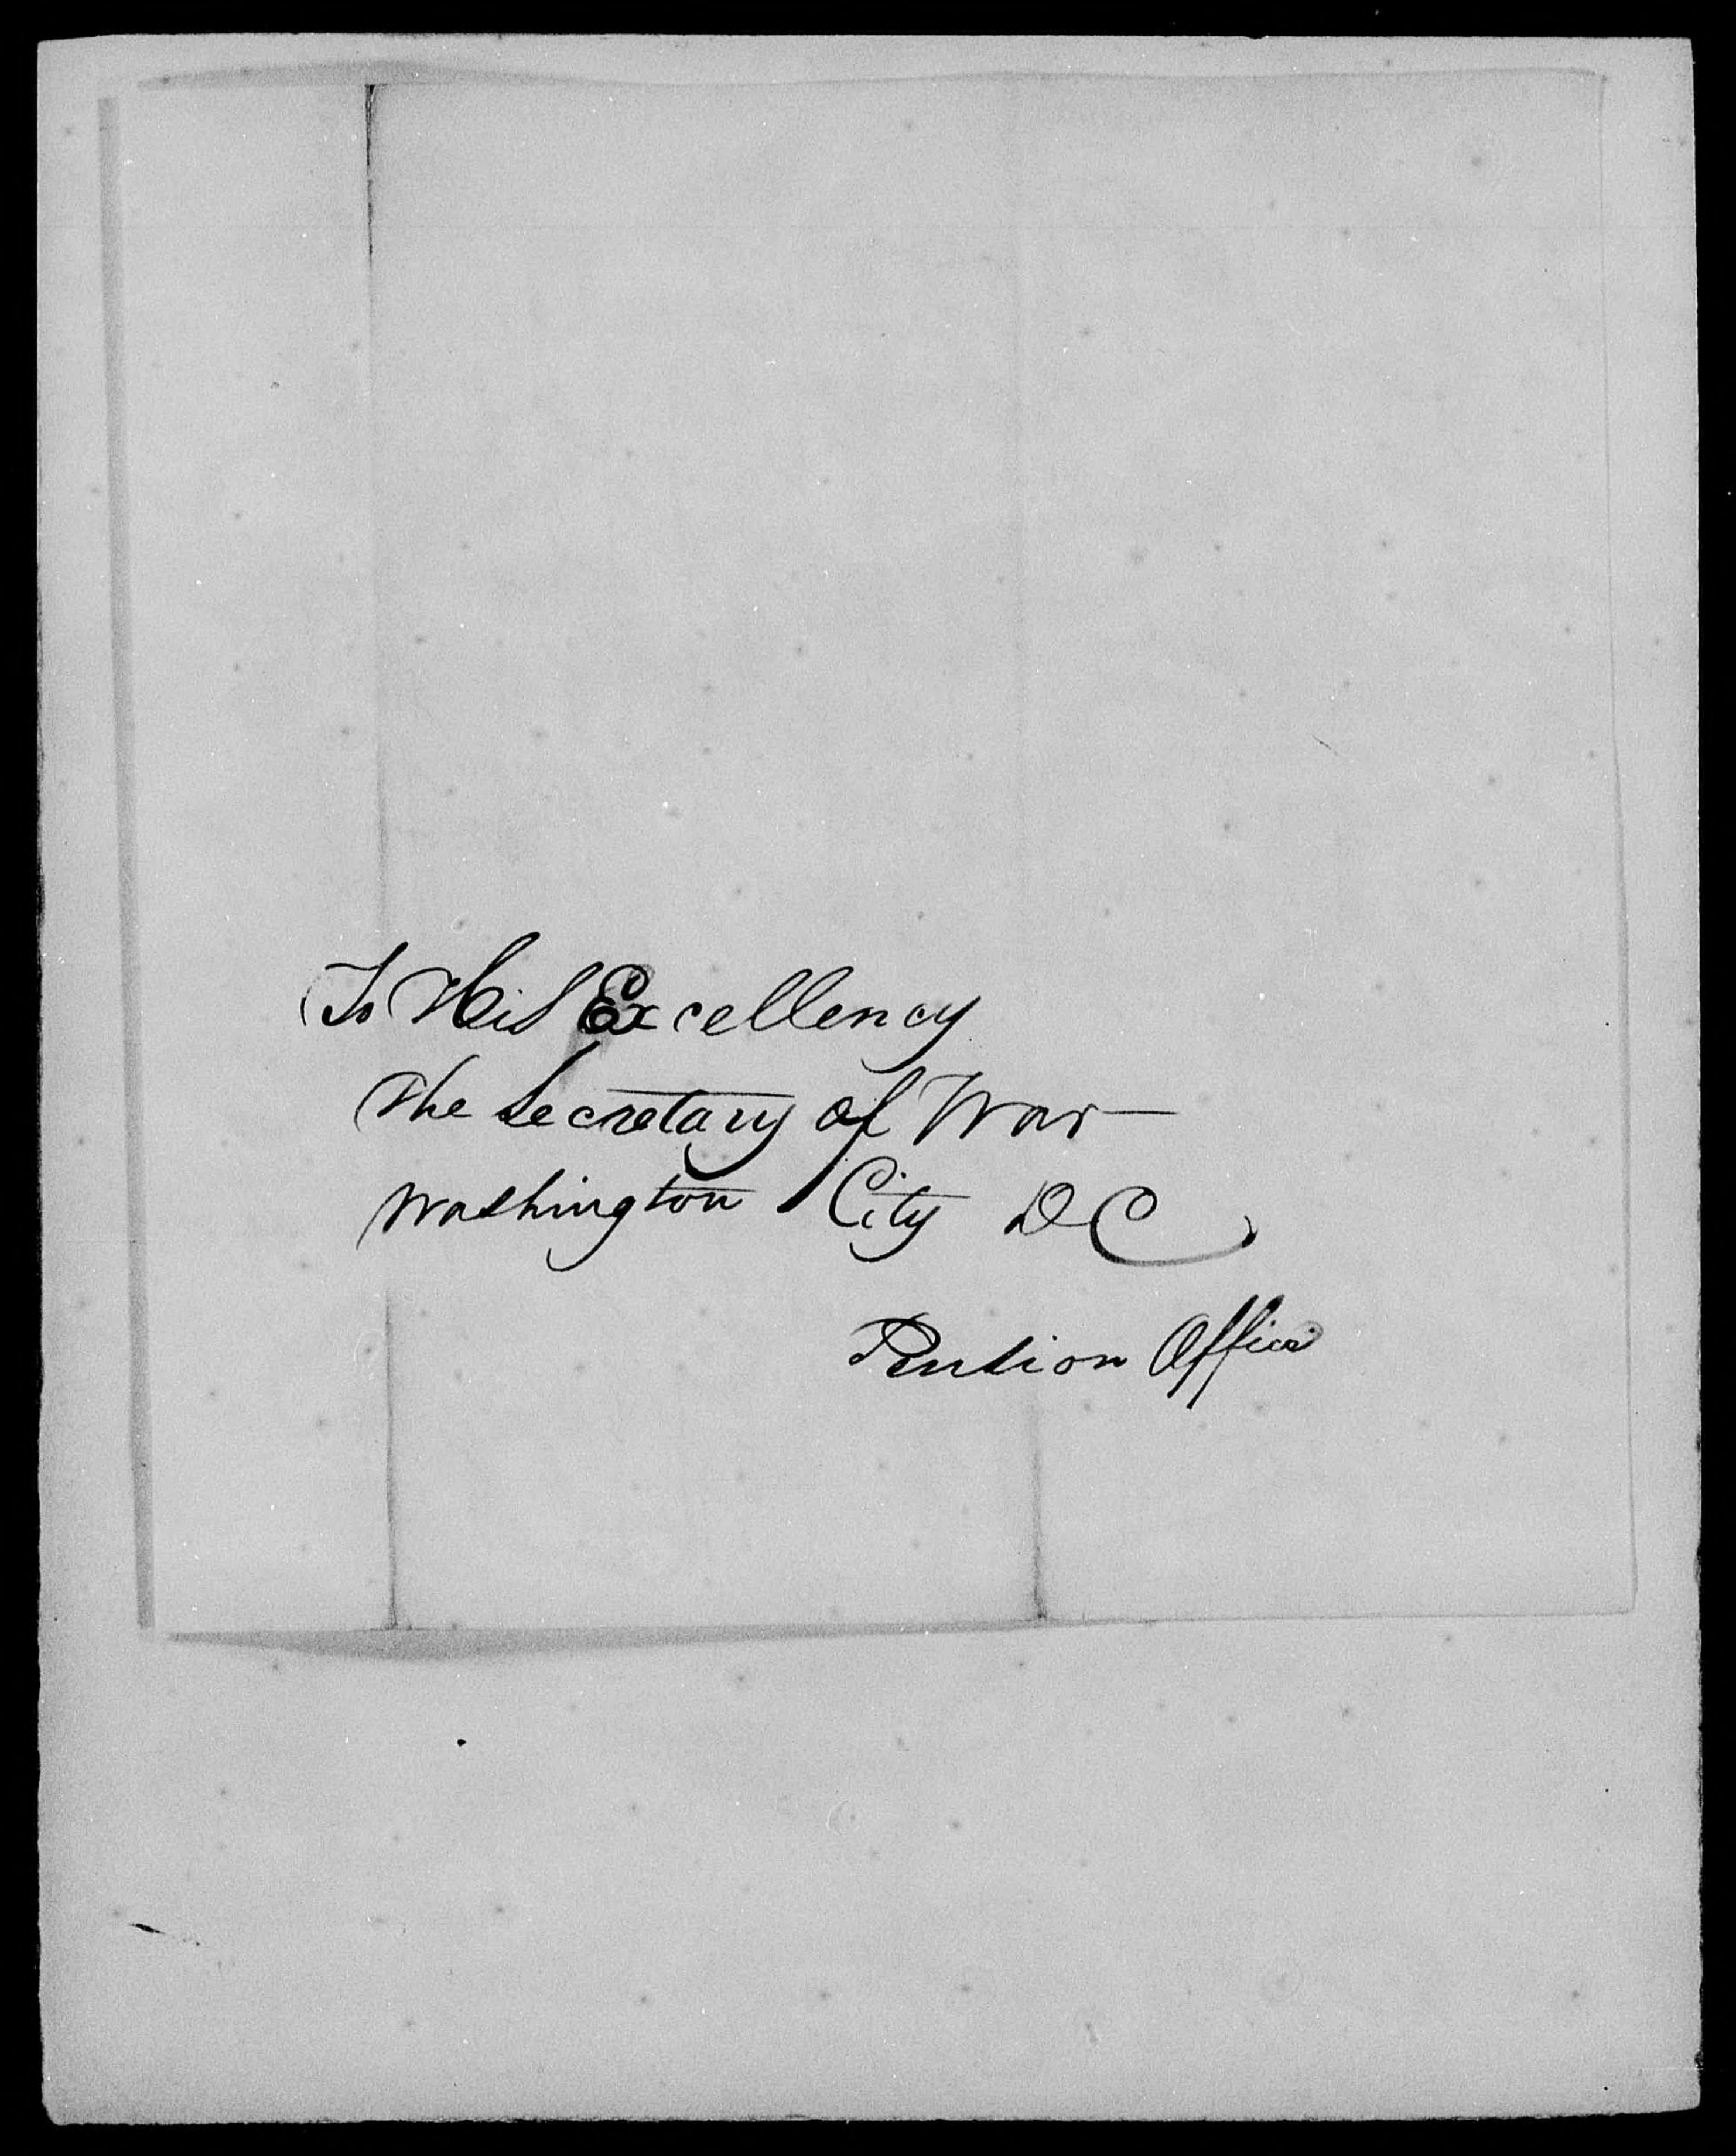To His Excellency
The Secretary of War
Washington City DC
Pension Office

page: 32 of 36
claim: survivor's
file: S. 31,718, James Guffey, Penn.